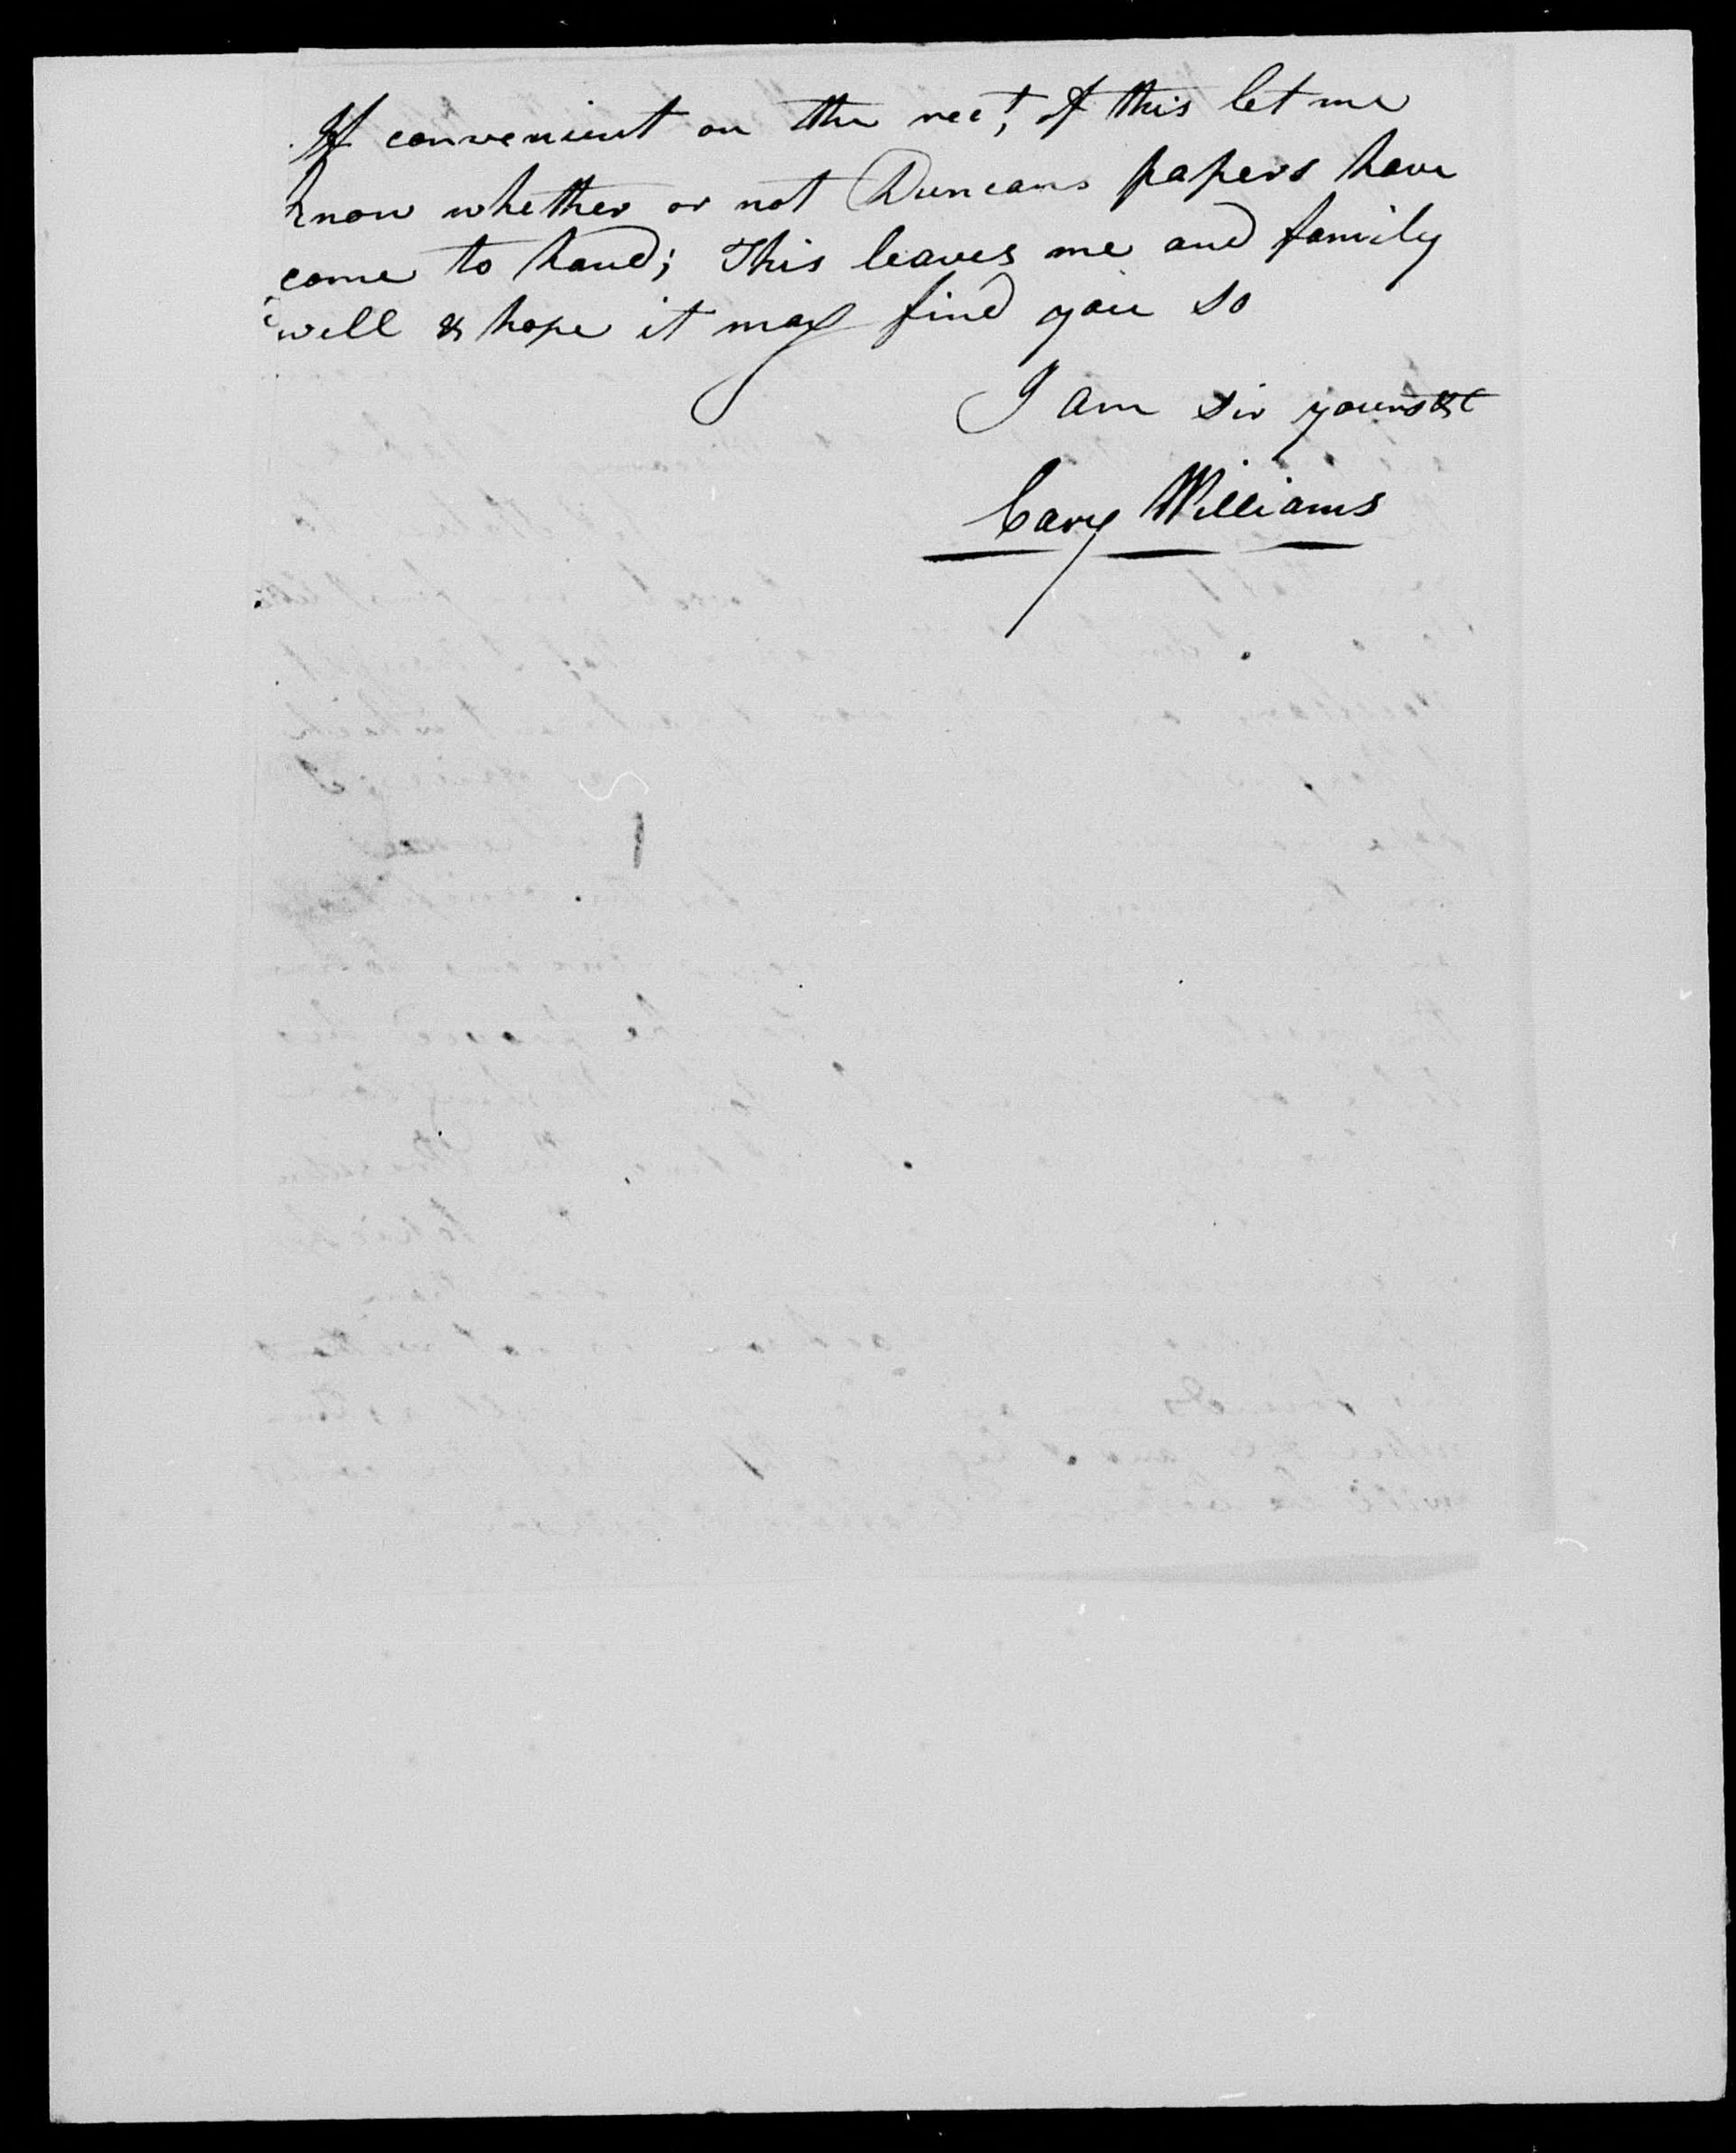If convenient on the rec,t of this let me
know whether or not Duncans papers have
come to hand; This leaves me and family
well & hope it may find you so
I am sir youngest
Cary Williams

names: Cary Williams, Duncan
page: 39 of 49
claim: survivor's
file: S. 41513, George Duncan, N.C.